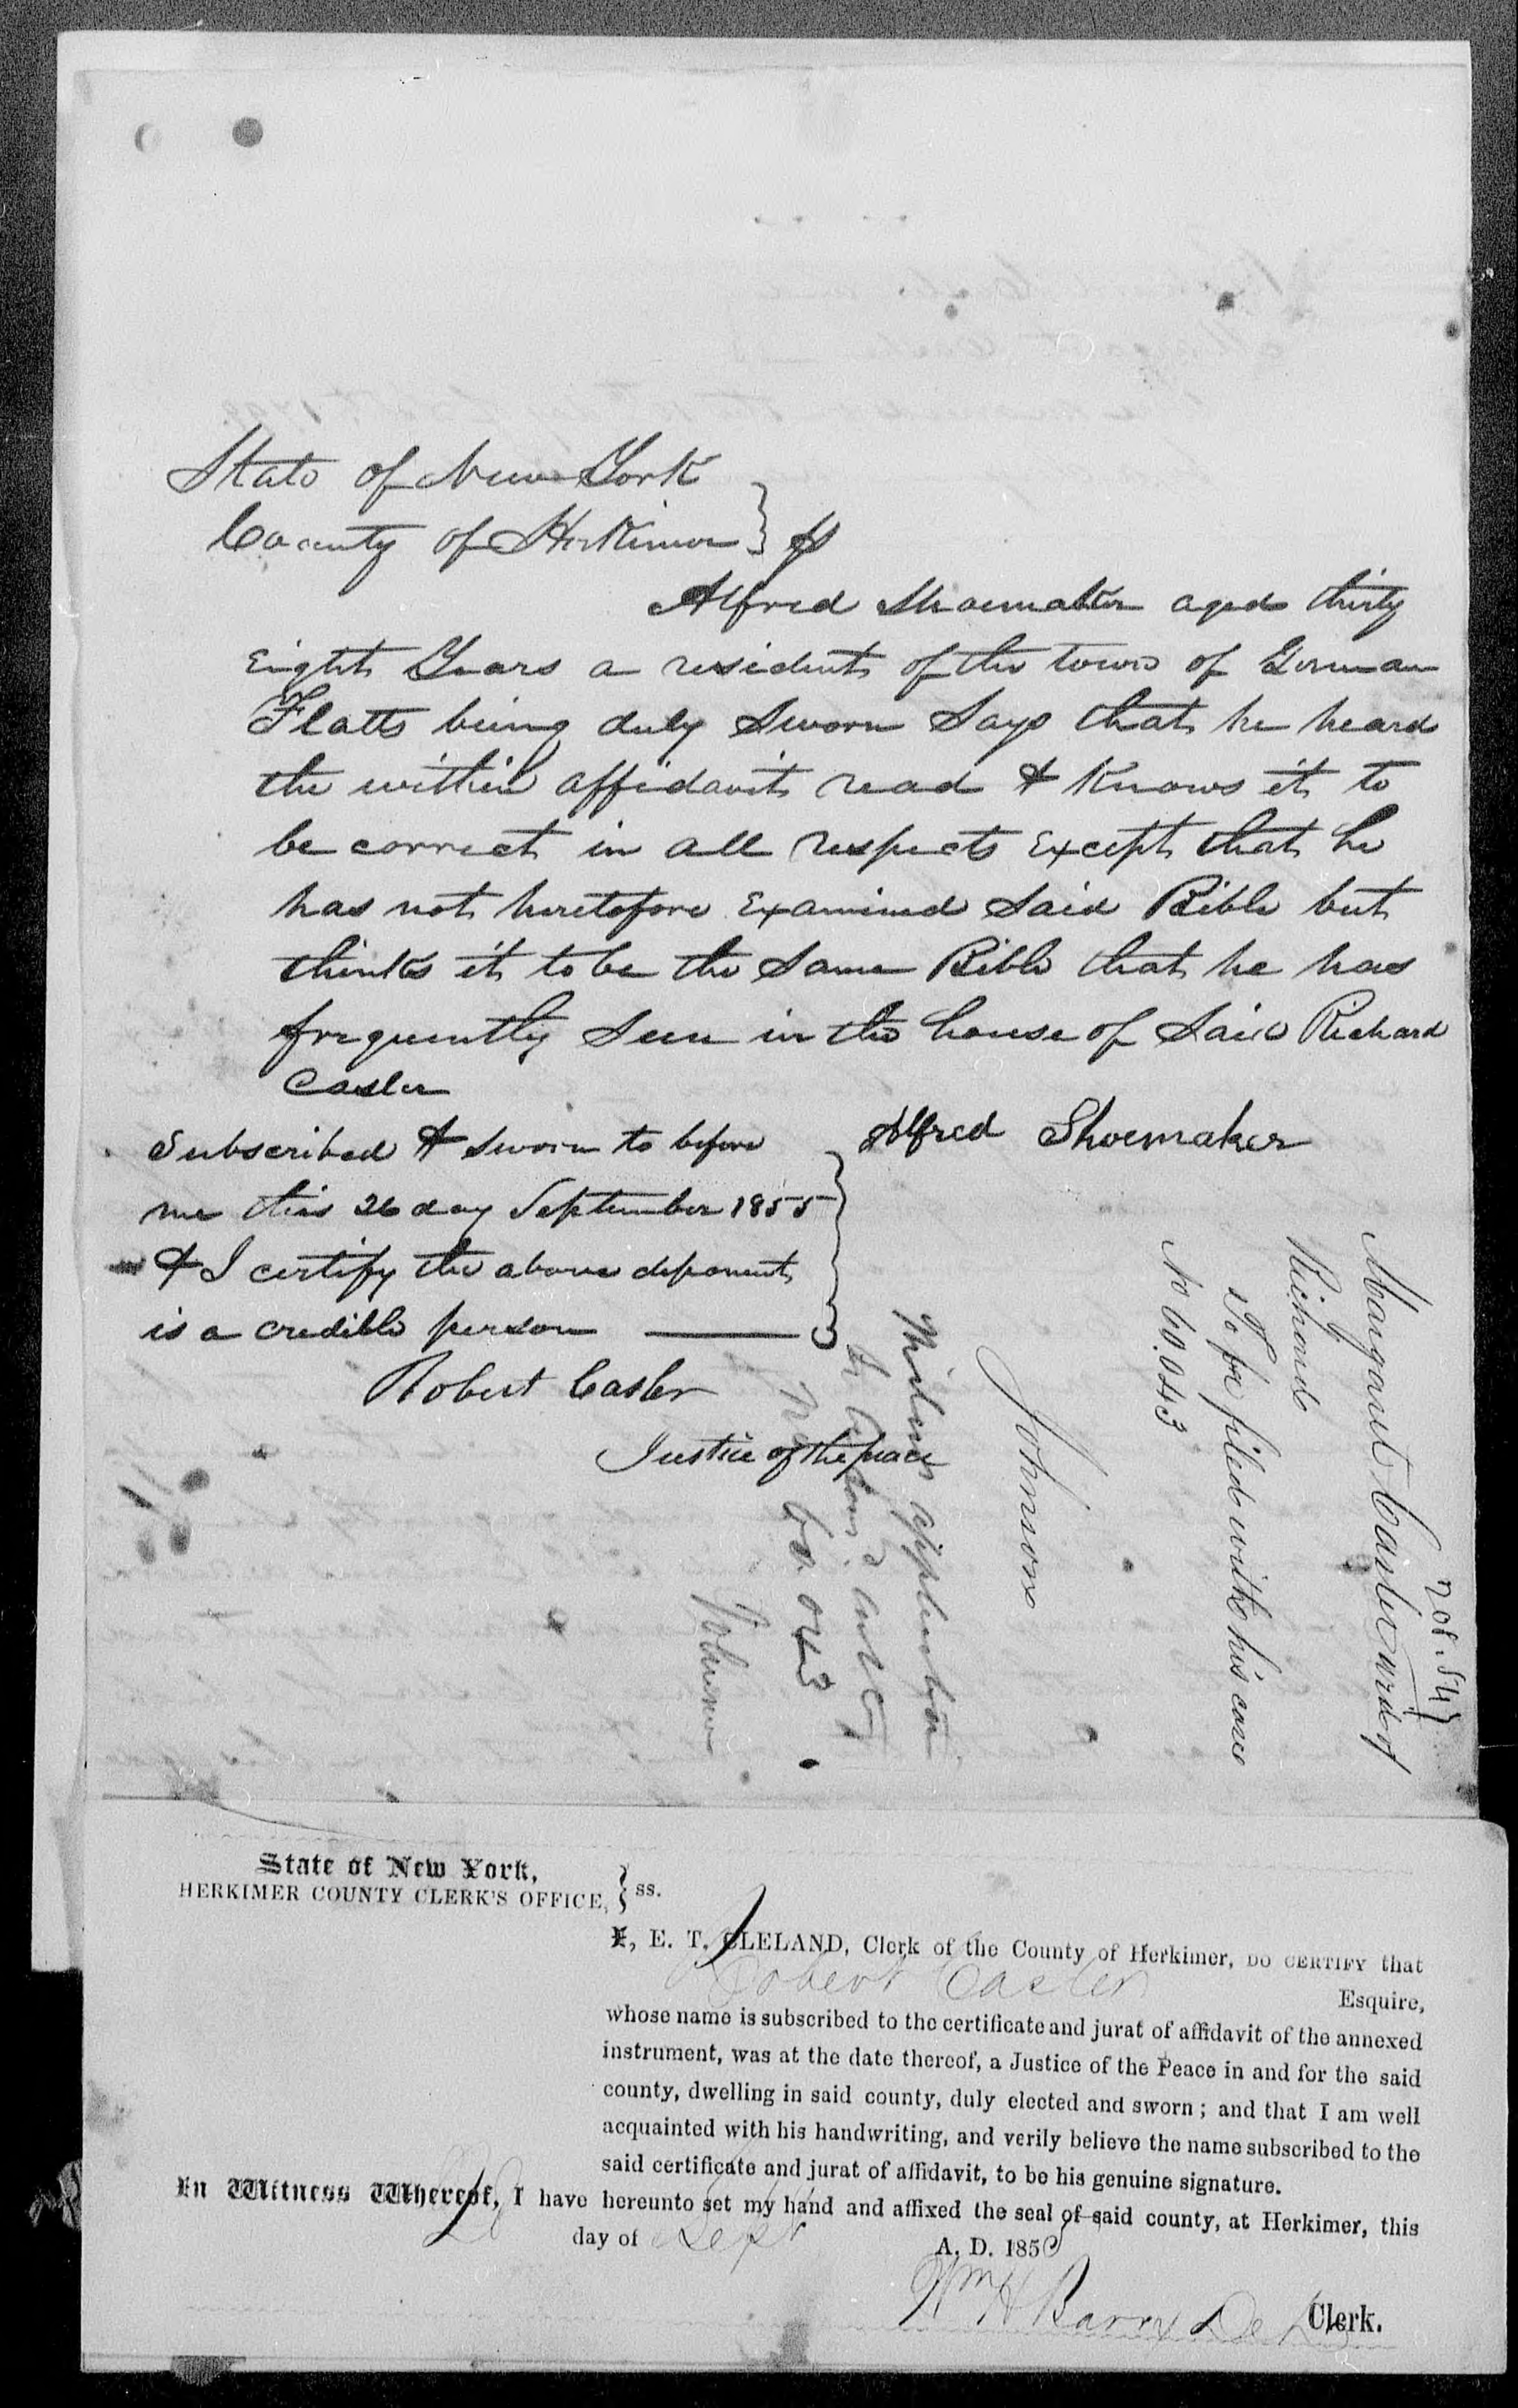State of New York 
County of Herkimer } ss
Alfred Sharmalton aged thirty eight years a resident of the town of German Flatts being duly sworn says that he heard the within affidavit read & knows it to be correct in all respects except that he has not heretofore examined said Bible but thinks it to be the same Bible that he has frequently seen in the house of said Richard Casler 
[signed] Alfred Shoemaker
Subscribed & sworn to before me this 26 day September 1855 & I certify the above deponent is a credible person – 
[signed] Robert Casler Justice of the peace 

State of New York, 
HERKIMER COUNTY CLERKS OFFICE, } ss. 
I, E. T. CLELAND, Clerk of the County of Herkimer, DO CERTIFY that Robert Casler Esquire, whose name is subscribed to the certificate and jurat of affidavit of the annexed instrument, was at the date thereof, a Justice of the Peace in and for the said county, dwelling in said county, duly elected and sworn; and that I am well acquainted with his handwriting, and verily believe the name subscribed to the said certificate and jurat of affidavit, to be his genuine signature. 
In witness whereof, I have hereunto set my hand and affixed the seal of said county, at Herkimer, this 28 day of Sept A. D. 1855 
[signed] Wm H Barry Dep Clerk.

208.847
Margaret Casler wid of Richard 
To be filed with his case No 60.043
Johnson 
Widow’s application to be consd with No 60.043
Johnson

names: Wm H Barry, Richard Casler, Johnson, Alfred Shoemaker, E T Cleland, Robert Casler, Richard Casler, Johnson, Alfred Shoemaker, Robert Casler, Margaret Casler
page: 20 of 66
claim: widow's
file: W. 6637, Richard Caslar, New York